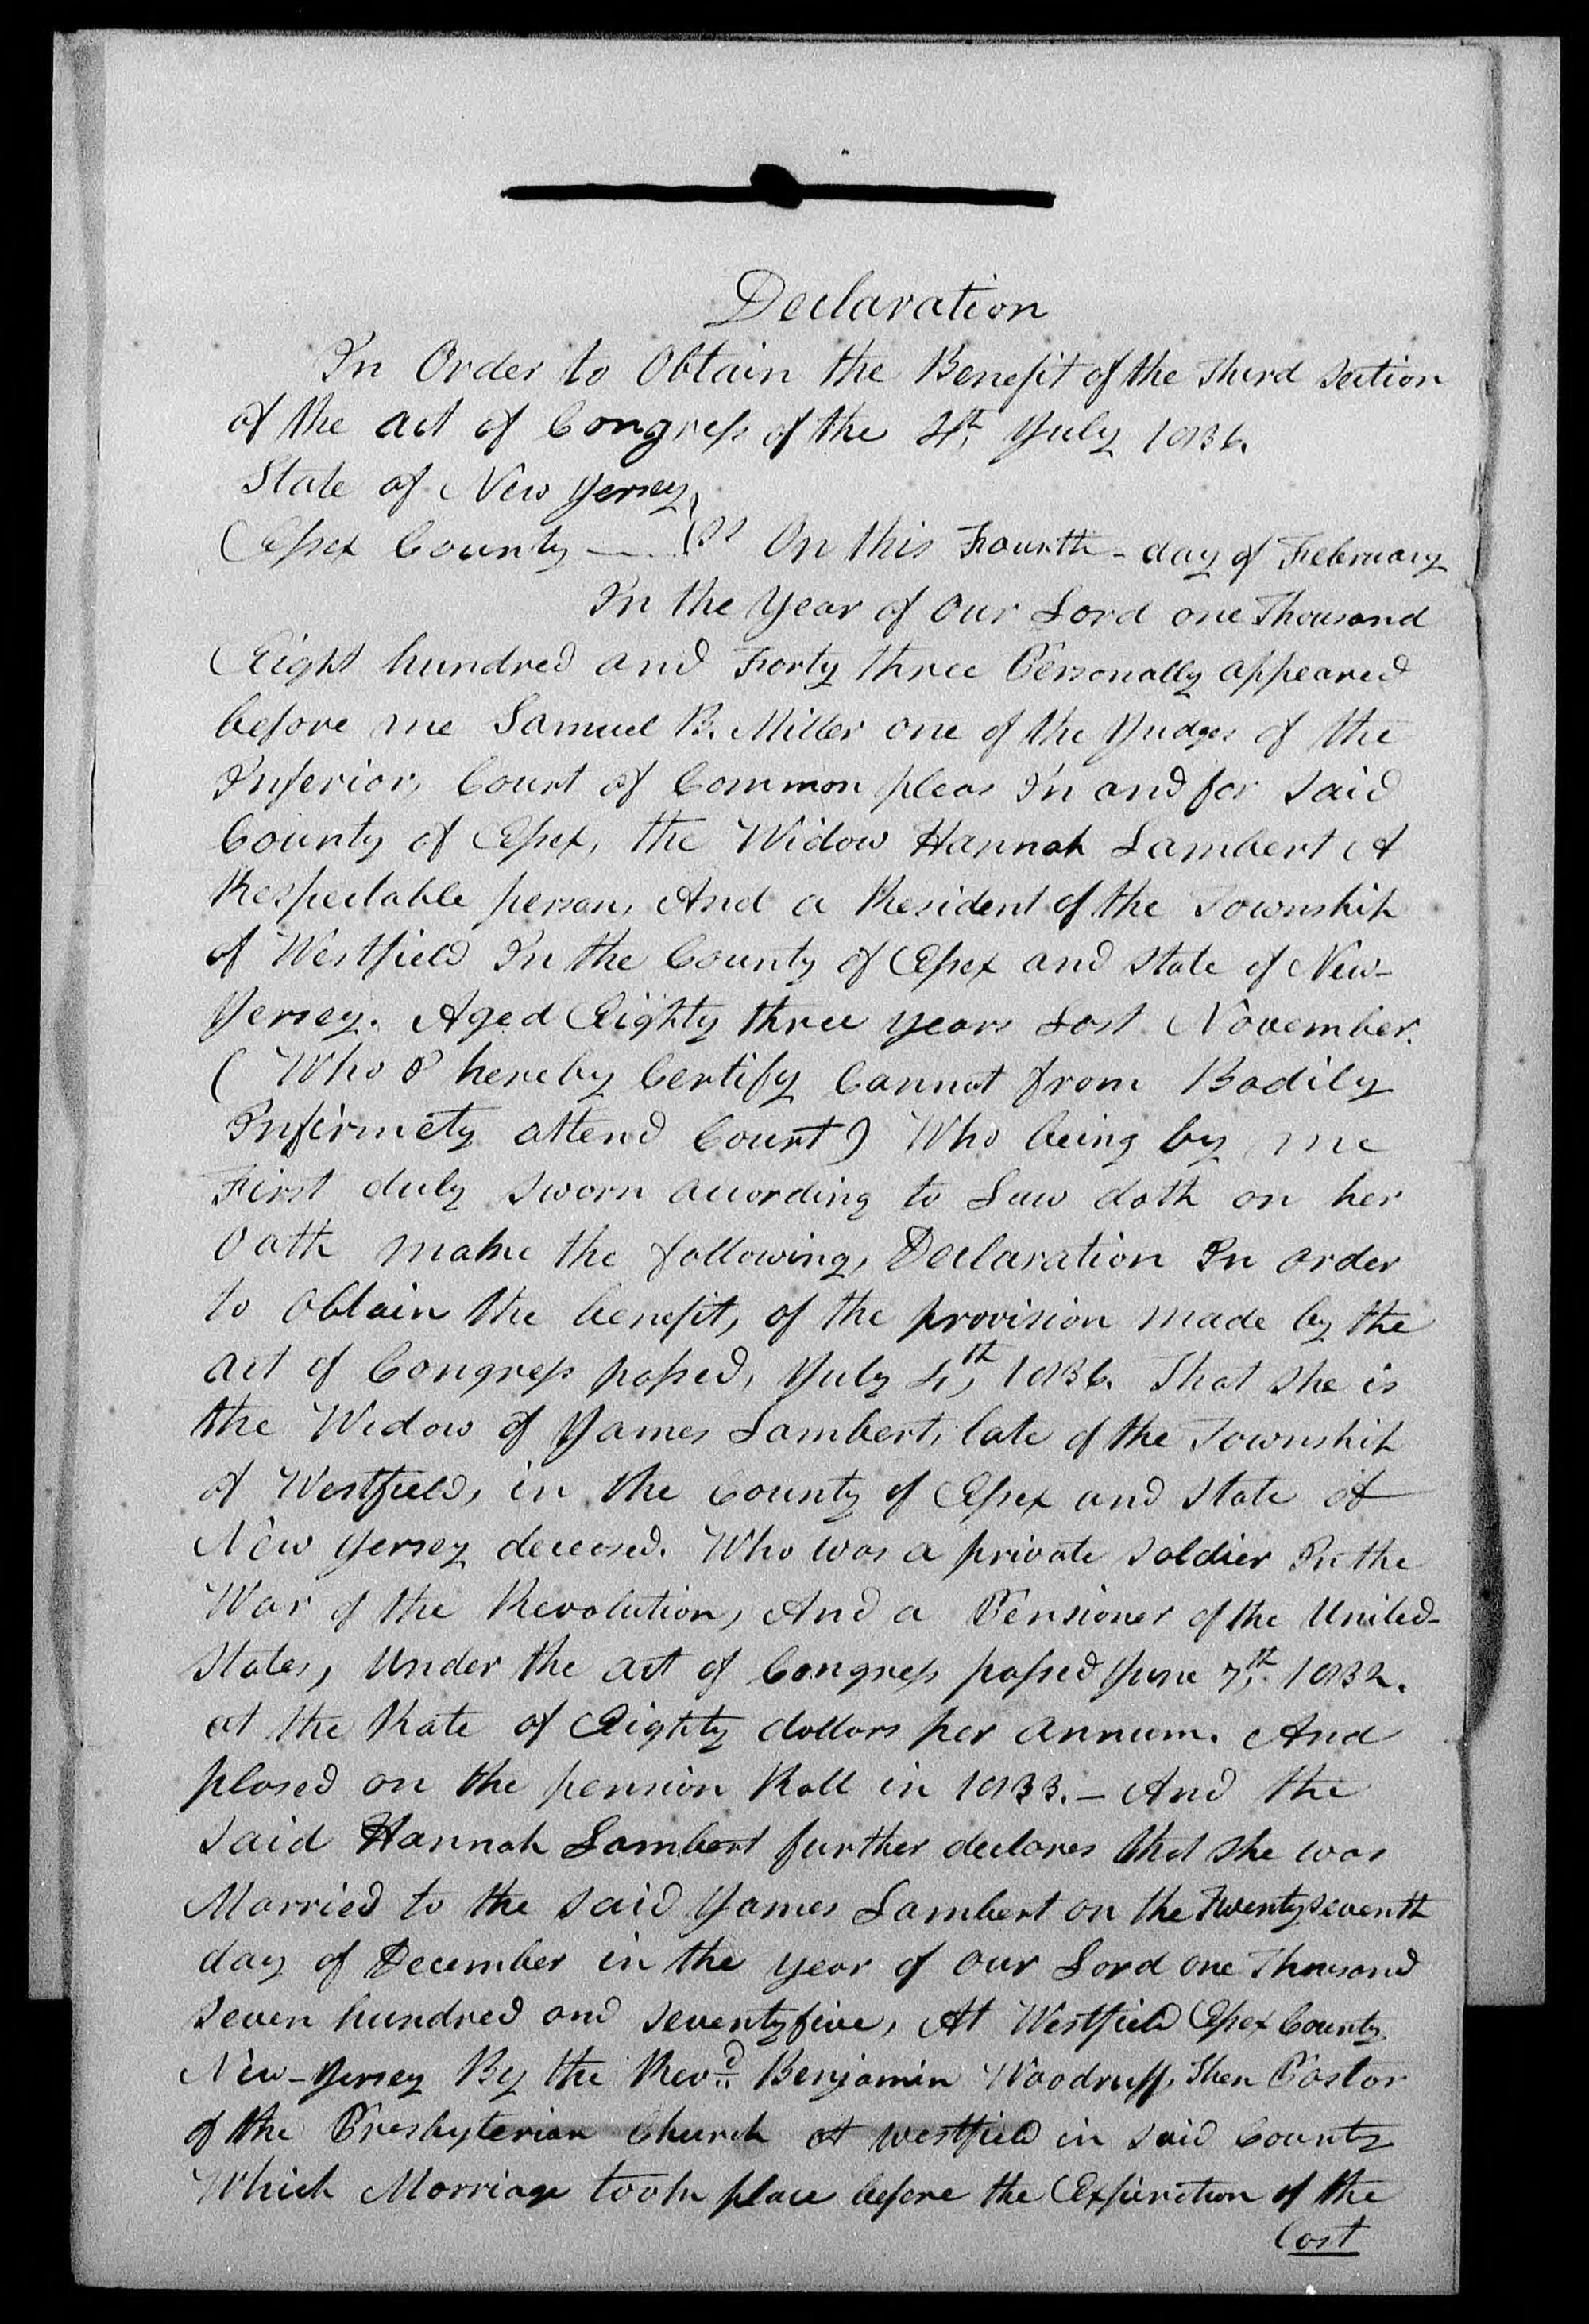Declaration
In order to obtain the benefit of the third Section of the act of Congress of the 4th July 1836
State of New Jersey
Essex County. On this Fourth day of February
In the year of our Lord one Thousand Eight hundred and forty three personally appeared
before me Samuel B. Miller one of the Judges of the Inferior Court of Common pleas in and for said County of Essex, the Widow Hannah Lambert A Respectable person, And a Resident of the Township of Westfield in the County of Essex and State of New Jersey. Aged Eighty three years last November (Who I hereby certify cannot from Bodily Infirmity attend Court) who being by me First duly sworn according to Law doth on her Oath make the following declaration in order to obtain the benefit of the provision made by the act of Congress passed July 4th 1836. That she is
the Widow of James Lambert, late of the Township of Westfield, in the County of Essex and State of New Jersey deceased. who was a private soldier in the War of the Revolution, And a pensioner of the United States, under the act of Congress passed June 7th 1832.
at the rate of Eighty dollars per annum. And
placed on the pension Roll in 1833. And the
said Hannah Lambert further declares that she was Married to the said James Lambert on the Twenty seventh day of December in the year of our Lord one Thousand seven hundred and Seventy five, At Westfield Essex County
New Jersey By the Revd Benjamin Woodruff, Then Pastor of the Presbyterian Church at Westfield in said County Which Marriage took place before the Expiration of the
Cont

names: Benjamin Woodruff; Samuel B Miller; Hannah Lambert; James Lambert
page: 16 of 49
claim: widow's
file: W. 859, for James Lambert, New Jersey